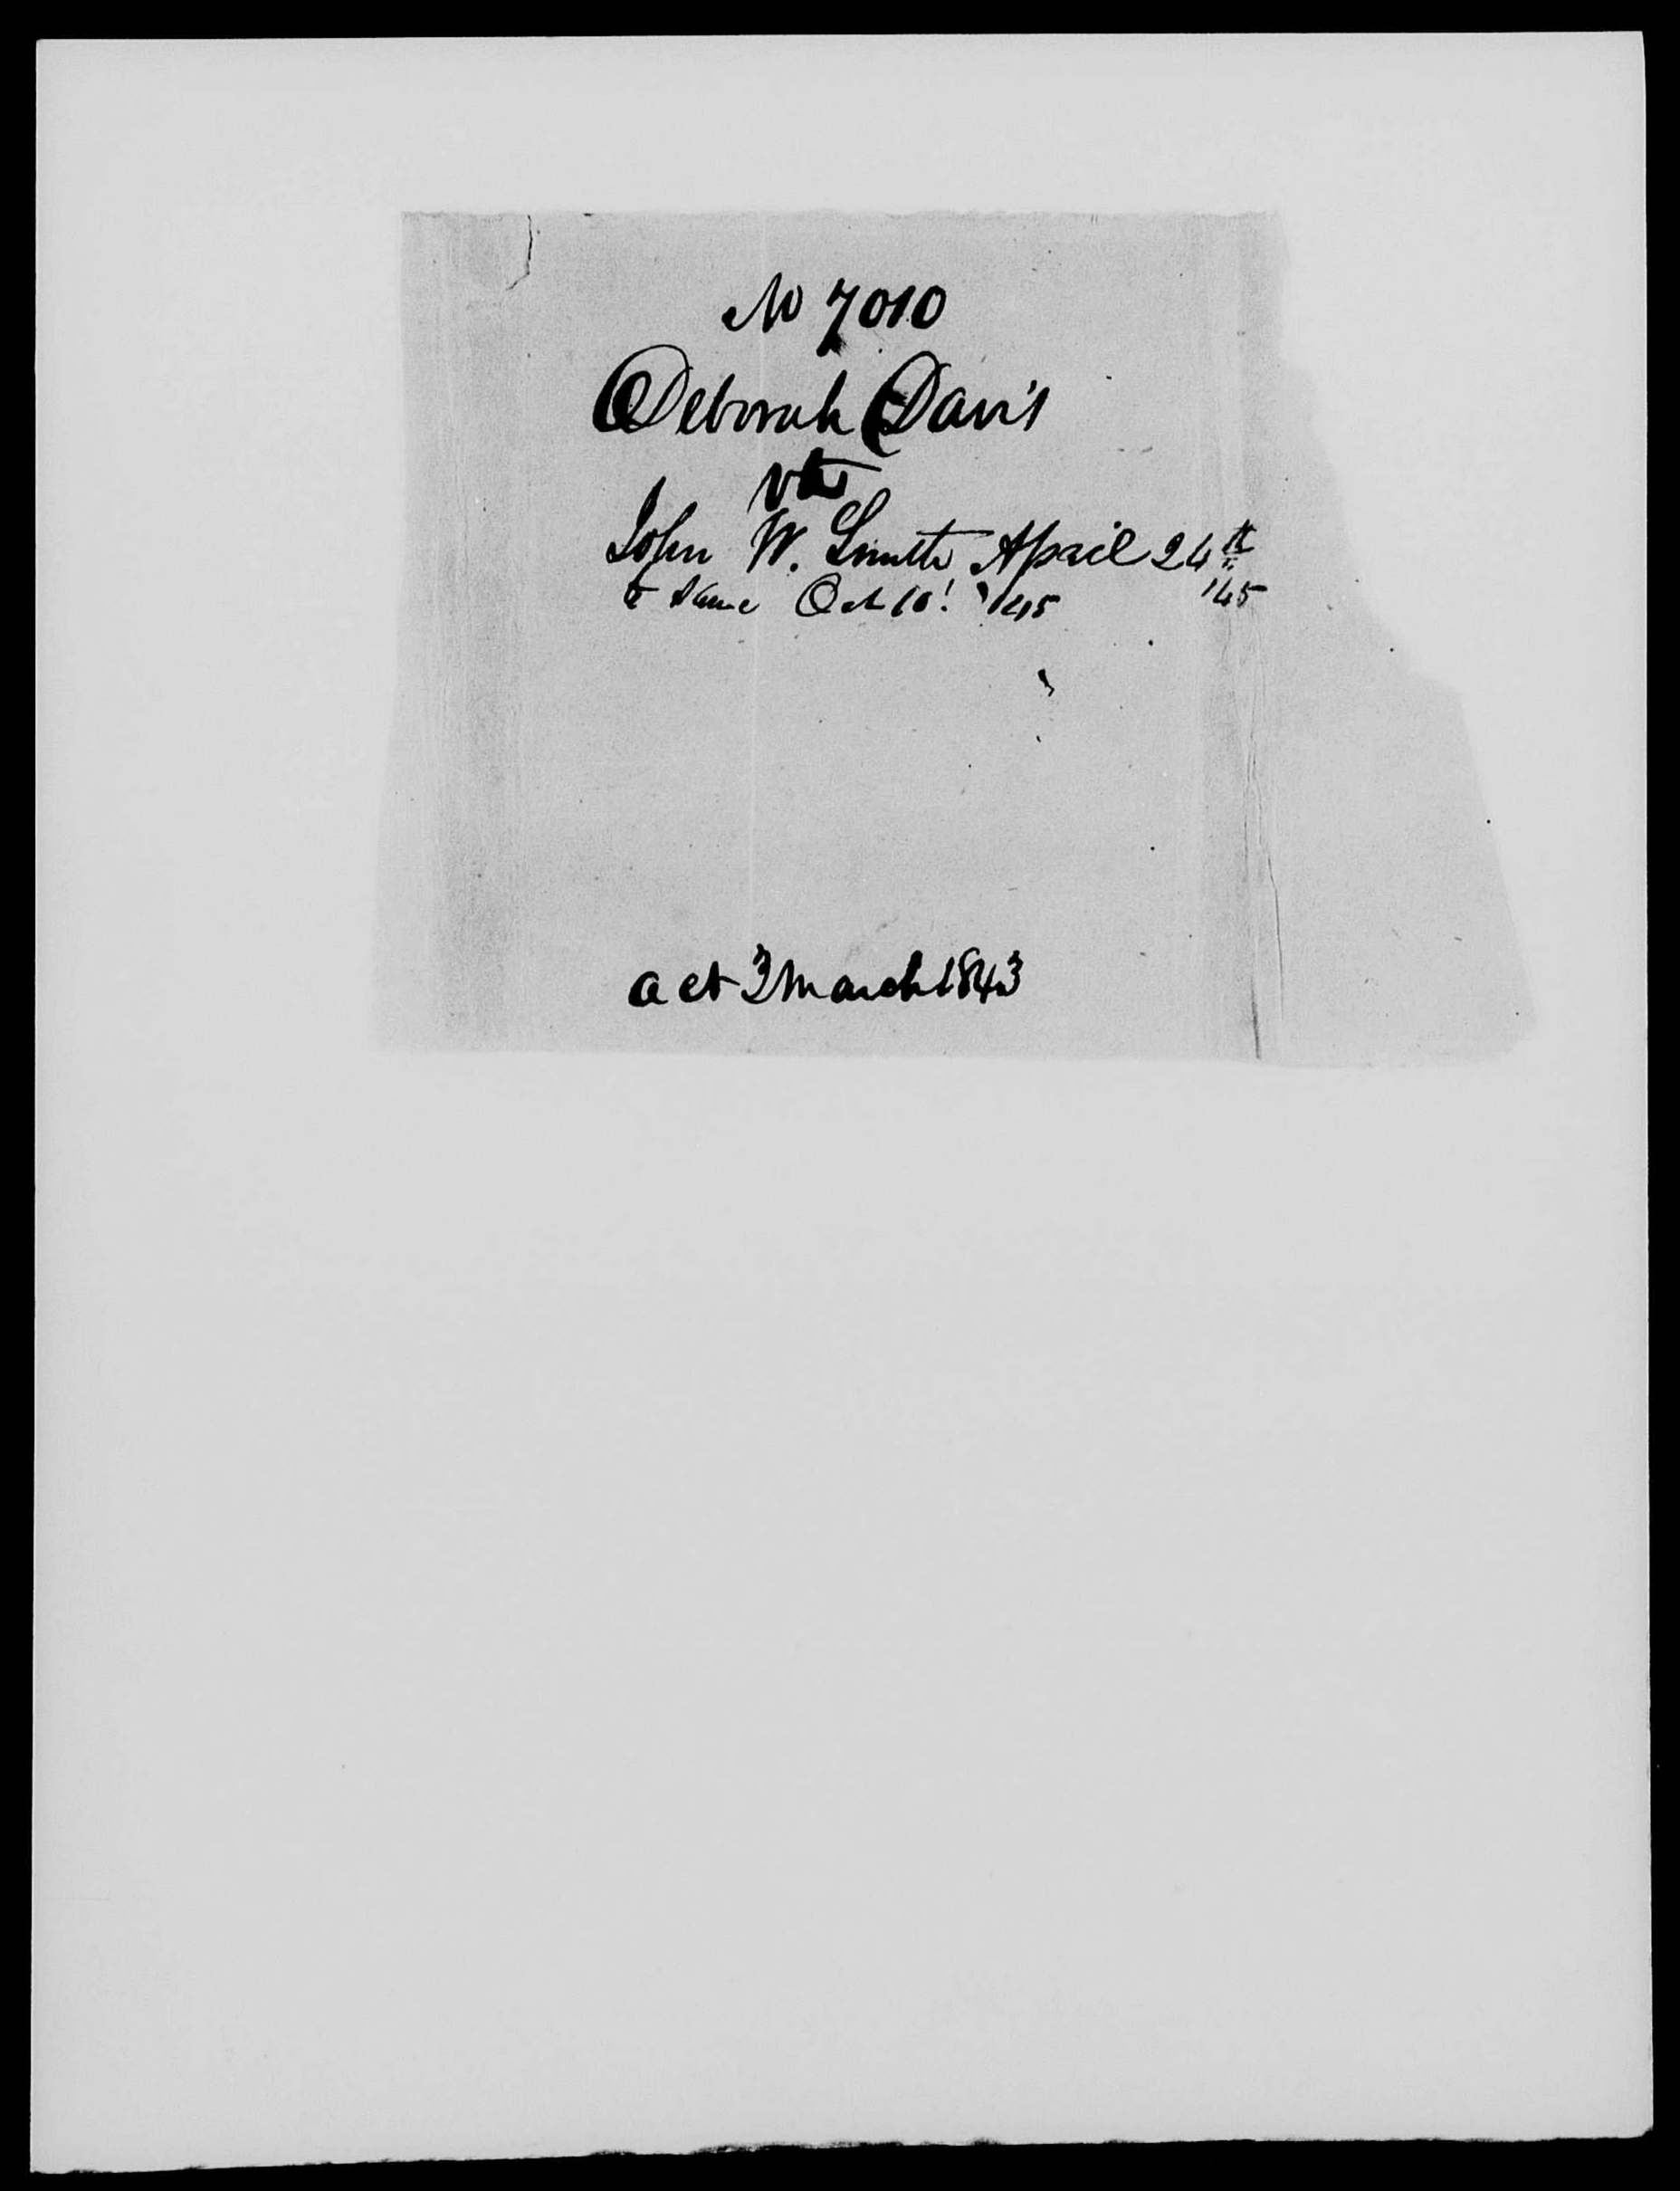No 7010
Deborah Davis
Vt
John W Smith April 24 [18]45 to same Oct 10, [18]45
act 3 March 1843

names: John W Smith, Deborah Davis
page: 17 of 47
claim: widow's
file: W. 24043, Jacob Davis, N.H.